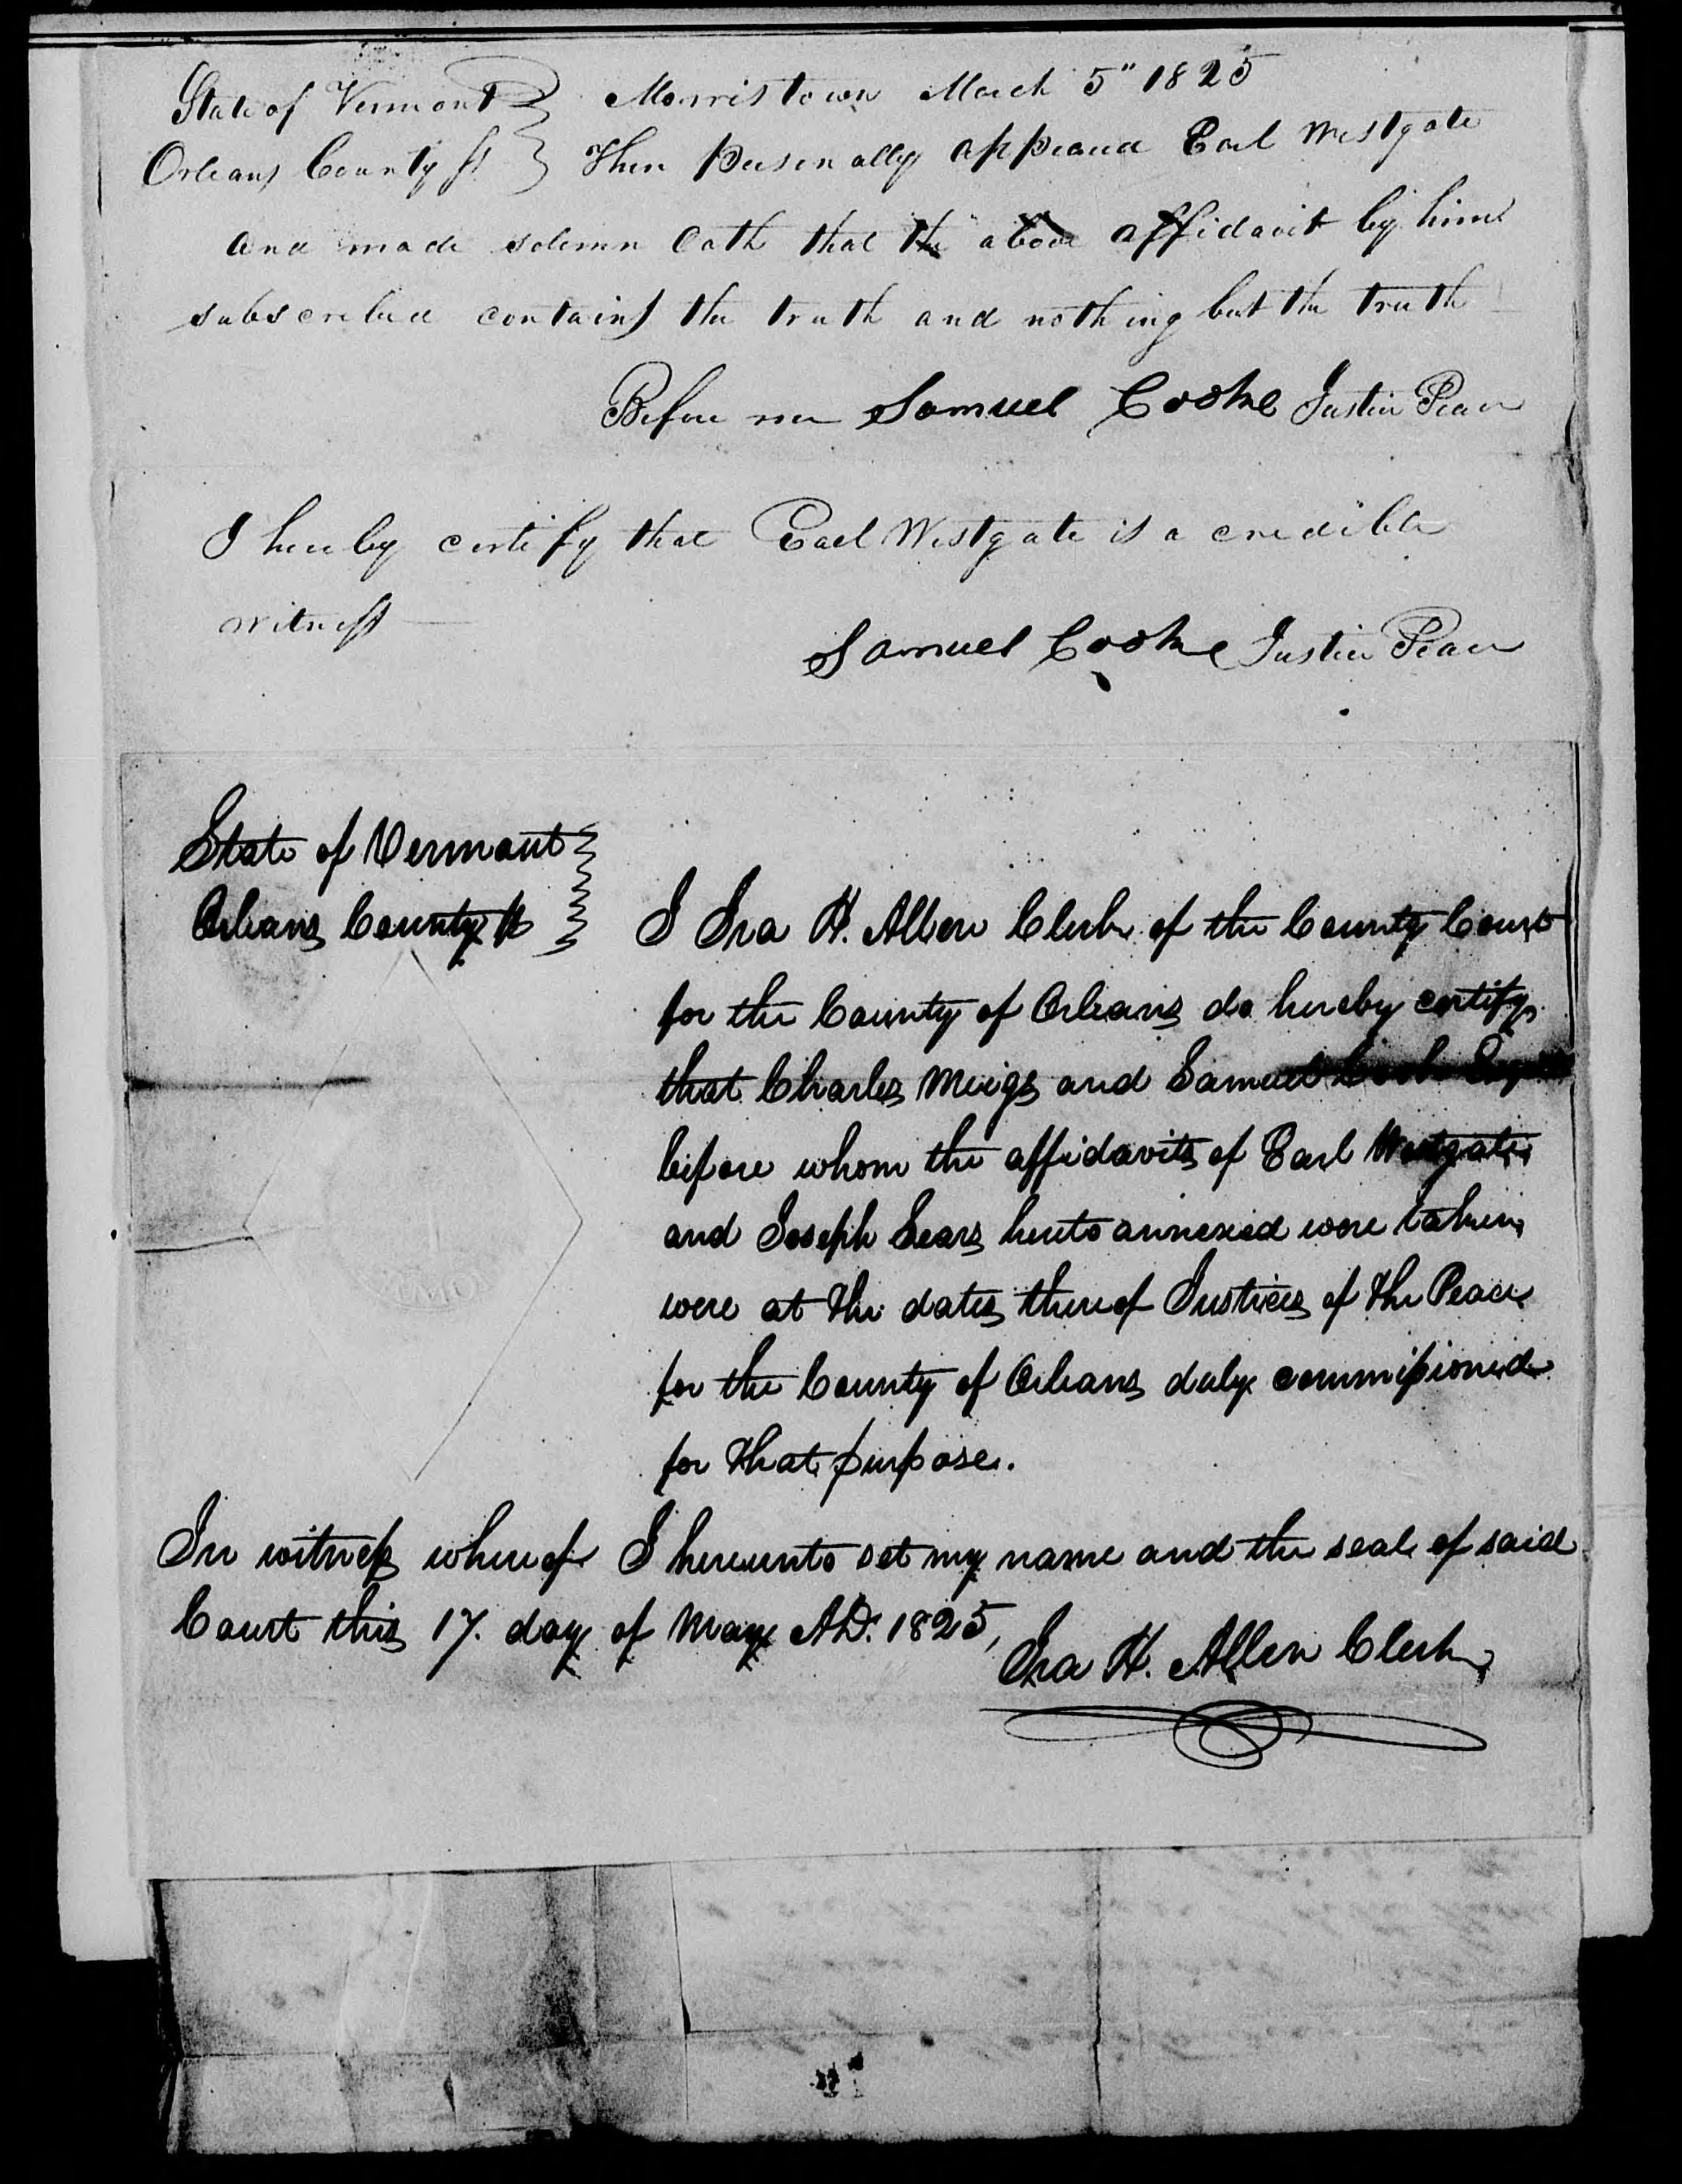[Handwritten letter]
State of Vermont
Orleans County [illegible]
Morristown March 5 1825
Then personally appeared Earl Westgate and made solemn oath that the above affidavit by him subscribed contains the truth and nothing but the truth 
Before me Samuel Cooke Justice Peace

I hereby certify that Earl Westgate is a credible witness
Samuel Cooke Justice Peace



State of Vermont
Orleans County
I Ira H Allen Clerk of the County Court for the County of Orleans do hereby certify that Charles Meigs and Samuel Cooke [illegible]
before whom the affidavidts of Earl Westgate and Joseph Sears hereto annexed were taken were at the dates thereof Justices of the Peace for the County of Orleans duly commissioned for that purpose. 

In witness whereof I hereunto set my name and the seal of said Court this 17 day of May AD. 1825, Ira H. Allen Clerk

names: Joseph Sears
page: 104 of 114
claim: widow's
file: W. 2115, Seth Hubbell, Conn.